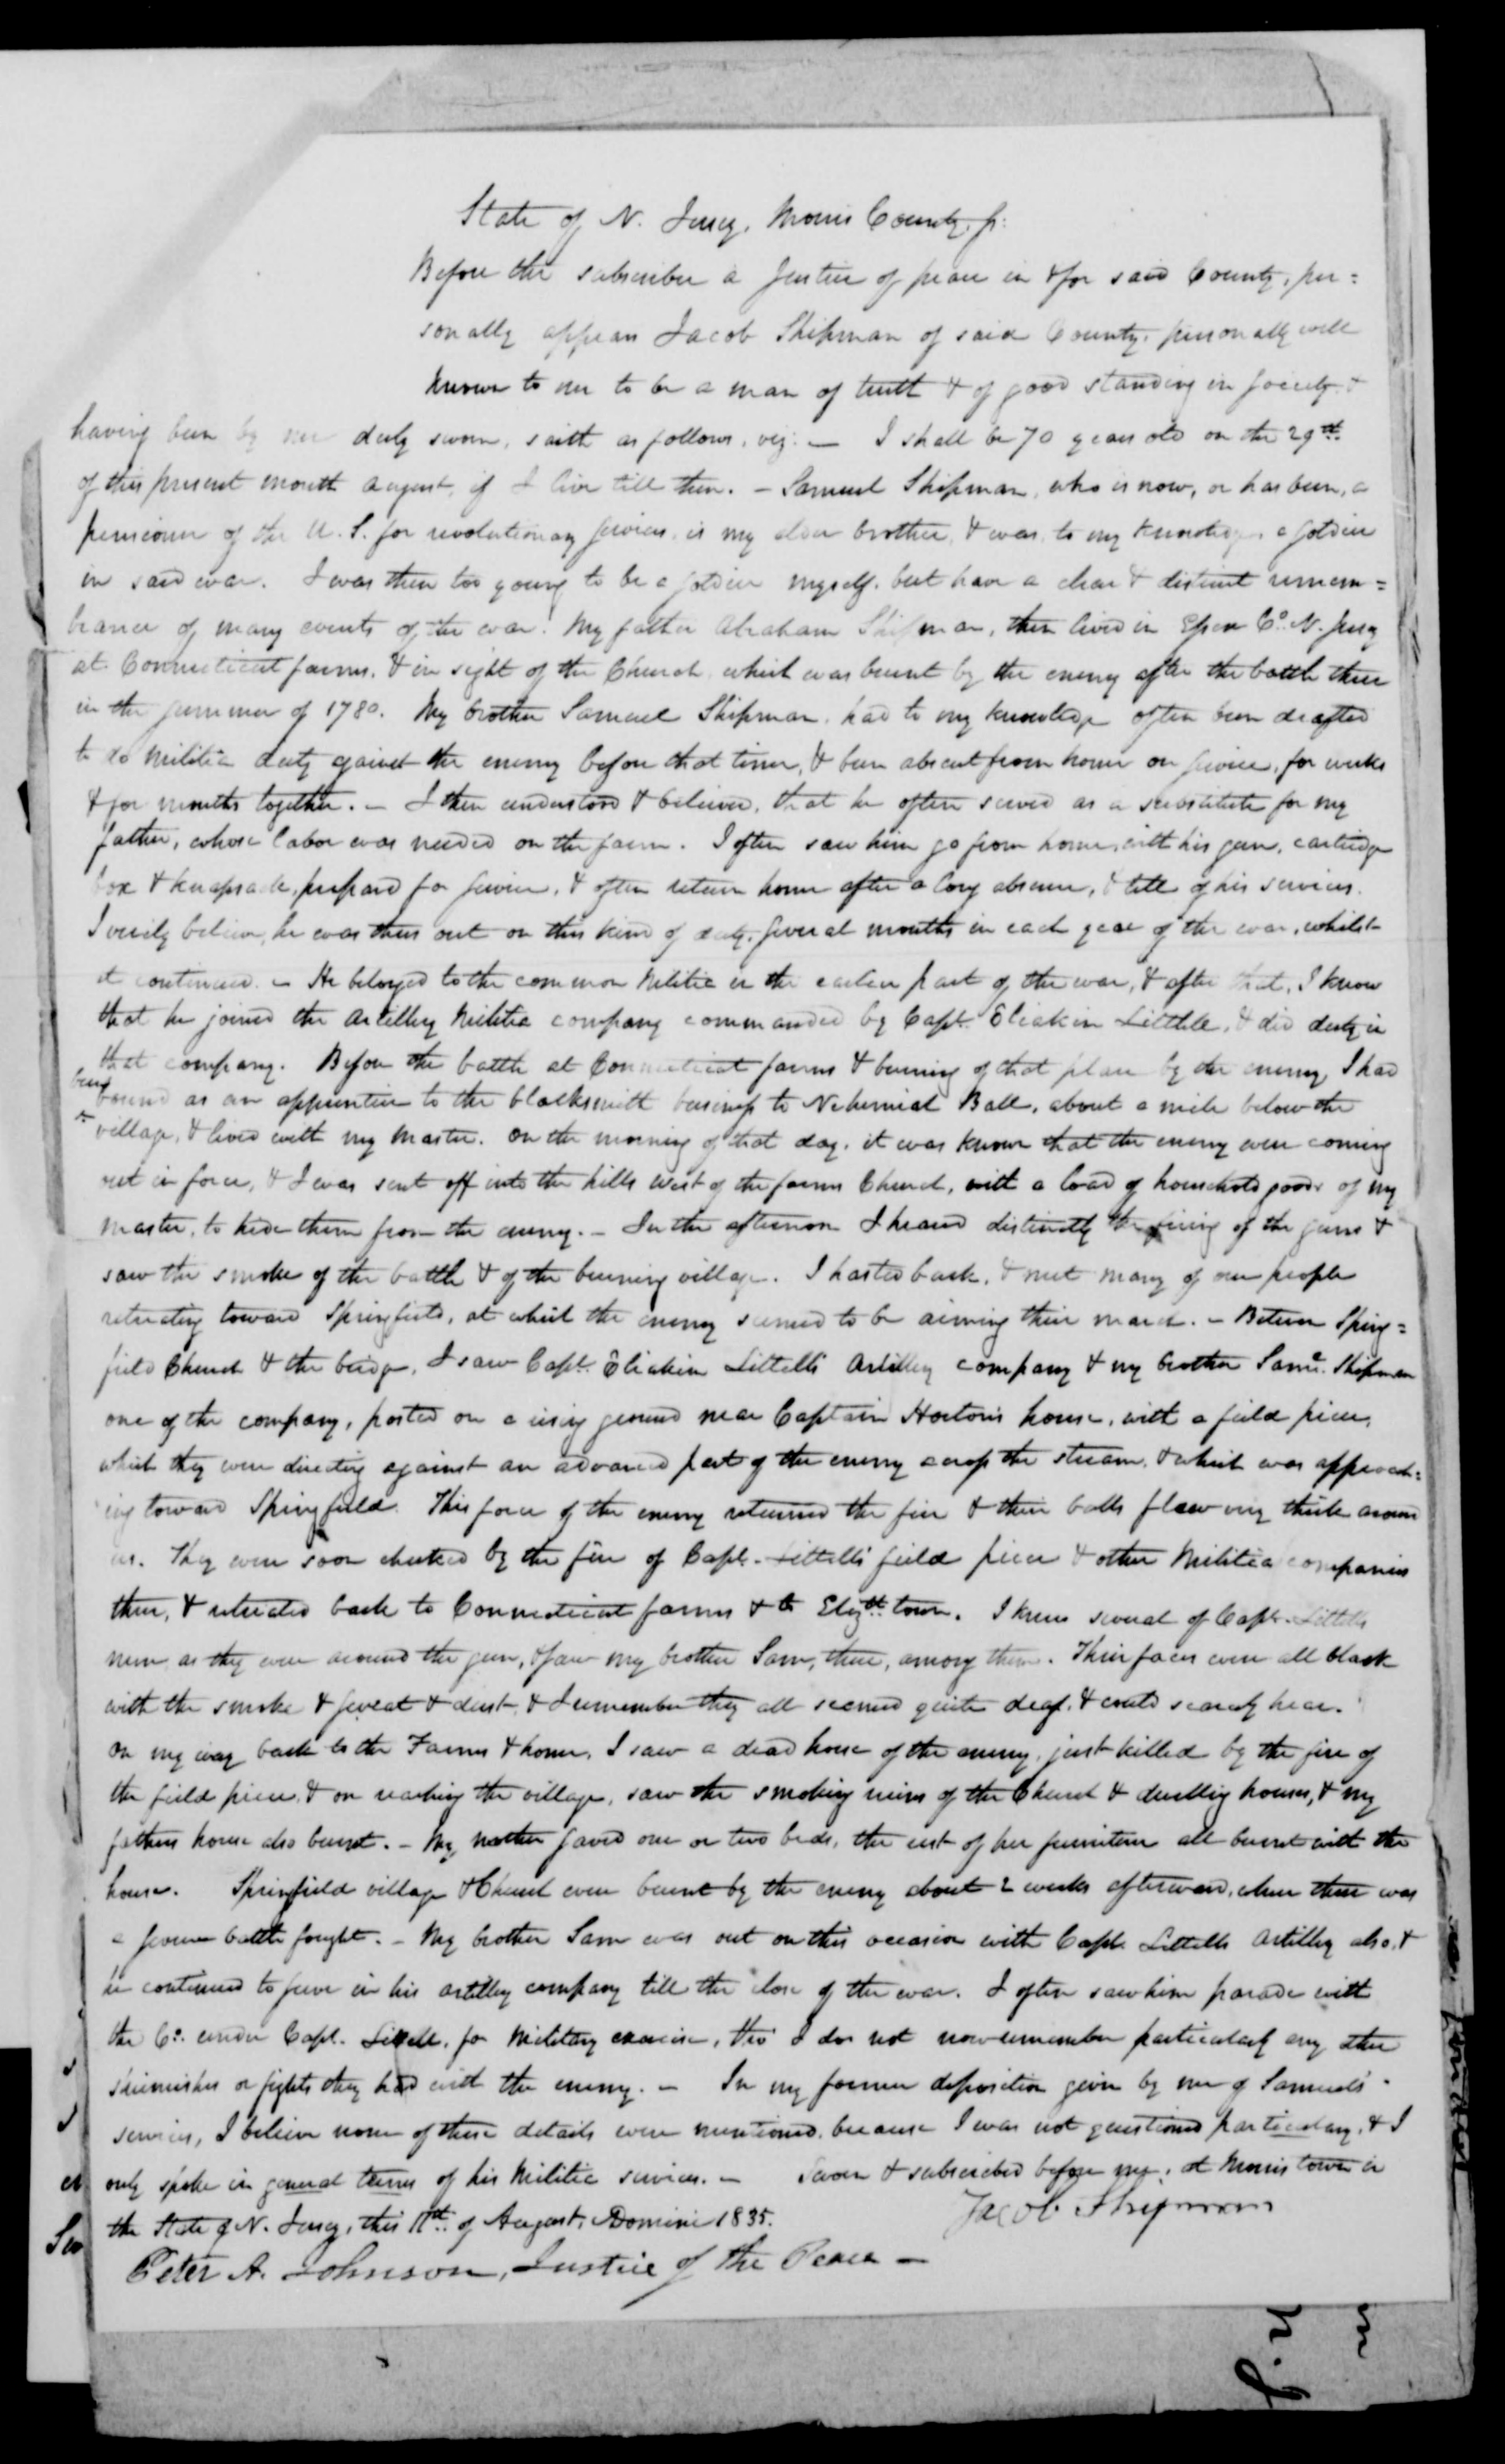State of N. Jersey, Morris County, SS:
Before the subscriber a Justice of peace in & for said County, personally appears Jacob Shipman of said County, personally well
known to me to be a man of truth & of good standing in society & having been by me duly sworn, saith as follows, viz:-- I shall be 70 years old on the 29th of this present month August if I live till then.-- Samuel Shipman, who is now, or has been, a pensioner of the U. S. for revolutionary service, is my close brother & was to my knowledge a soldier in said war. I was then too young to be a soldier myself, but have a clear & distinct remembrance  of many events of the war. My father Abraham Shipman, then lived in Essex Co. N. Jersey at Connecticut farms, & in sight of the Church which was burnt by the enemy of the battle there in the summer of 1780. My brother Samuel Shipman, had to my knowledge often been drafted to do militia duty against the enemy before that time, & been absent from home on service, for weeks & for months together. I then understood & believed, that he often served as a substitute for my
father, whose labor was needed on the farm. I often saw him go from home, with his gun, cartridge box & knapsale, prepared for service, & after return home after a long absence.  & tell of his services. I verily believe, he was then out of this kind of duty several months in each year of the war, whilst it continued-- He belonged to the common Militia in the earlier part of the war, & after that, I know that he joined the artillery militia company commanded by Capt Eliakim Little, & did duty in that company. Before the battle at Connecticut farms & burning of that place by the enemy I had been  bound as an apprentice to the blacksmith business to Nehemiah Ball, about a mile below the village, & lived with my Master. On the morning of that day, it was known that the enemy were coming
out in force, & I was sent off into the hills west of the farms Church, with a load of household good of my master, to hide them from the enemy. In the afternoon & heard distinctly the firing of the guns & saw the smoke of the battle & of the burning village. I hasted back, & met many of our people retreating toward Springfield, at which the enemy seemed to be aiming their mark. Between Springfield Church & the bridge, I saw Capt Eliakim Littell's Artillery company & my brother Saml. Shipman one of the company, posted on a rising ground near Captain Horton's house, with a field piece, 
which they were directing against an advanced part of the enemy across the stream, & which was approaching toward Springfield. This force of the enemy returned the fire & their balls flew very thick around us.  They were soon checked by the fire of Capt. Littell's field piece & other Militia companies there & retreated back to Connecticut farms & to Elizth Town. I knew several of Capt Littell's men as they were around the gun, and saw my brother Sam, there, among them. Their faces even all black
with the smoke & sweat & dust & I remember they all seemed quite deaf & could scarcely hear.  On my way back to the Farms & home, I saw a dead horse of the enemy just killed by the fire of the field piece & on reaching the village, saw the smoking ruins of the Church & dwelling house, & my fathers house also burnt. My mother saved one or two beds, the rest of her furniture all burnt with the house . Springfield village & Church were burnt by the enemy about 2 weeks afterward, when there was a second battle fought. My brother Sam was out on this occasion with Capt Littell's Artilley also & continued to serve in his artillery company till the close of the war. I often saw him parade with the Co. under Capt. Littell, for Military exercises, tho' I do not now remember particularly any other skirmishes or fights they had with the enemy. In my former deposition given by me of Samuel's services, I believe none of these details were mentioned, because I was not questioned particularly, & I only spoke in general terms of his Militia services. 
Jacob Shipman

Sworn & subscribed before me at Morris town in the State of N. Jersey, this 11th of August, Domini 1835.
Peter A. Johnson, Justice of the Peace-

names: Samuel Shipman; [BLANK] Horton; [BLANK] Littell; Abraham Shipman; [BLANK] Littell; Peter A Johnson; [BLANK] Littell; Eliakim Littlell; Jacob Shipman; Saml Shipman; Samuel Shipman; Jacob Shipman; [BLANK] Littell; Nehemiah Ball; Eliakim Littell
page: 43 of 44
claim: survivor's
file: S. 912, for Samuel Shipman, New Jersey